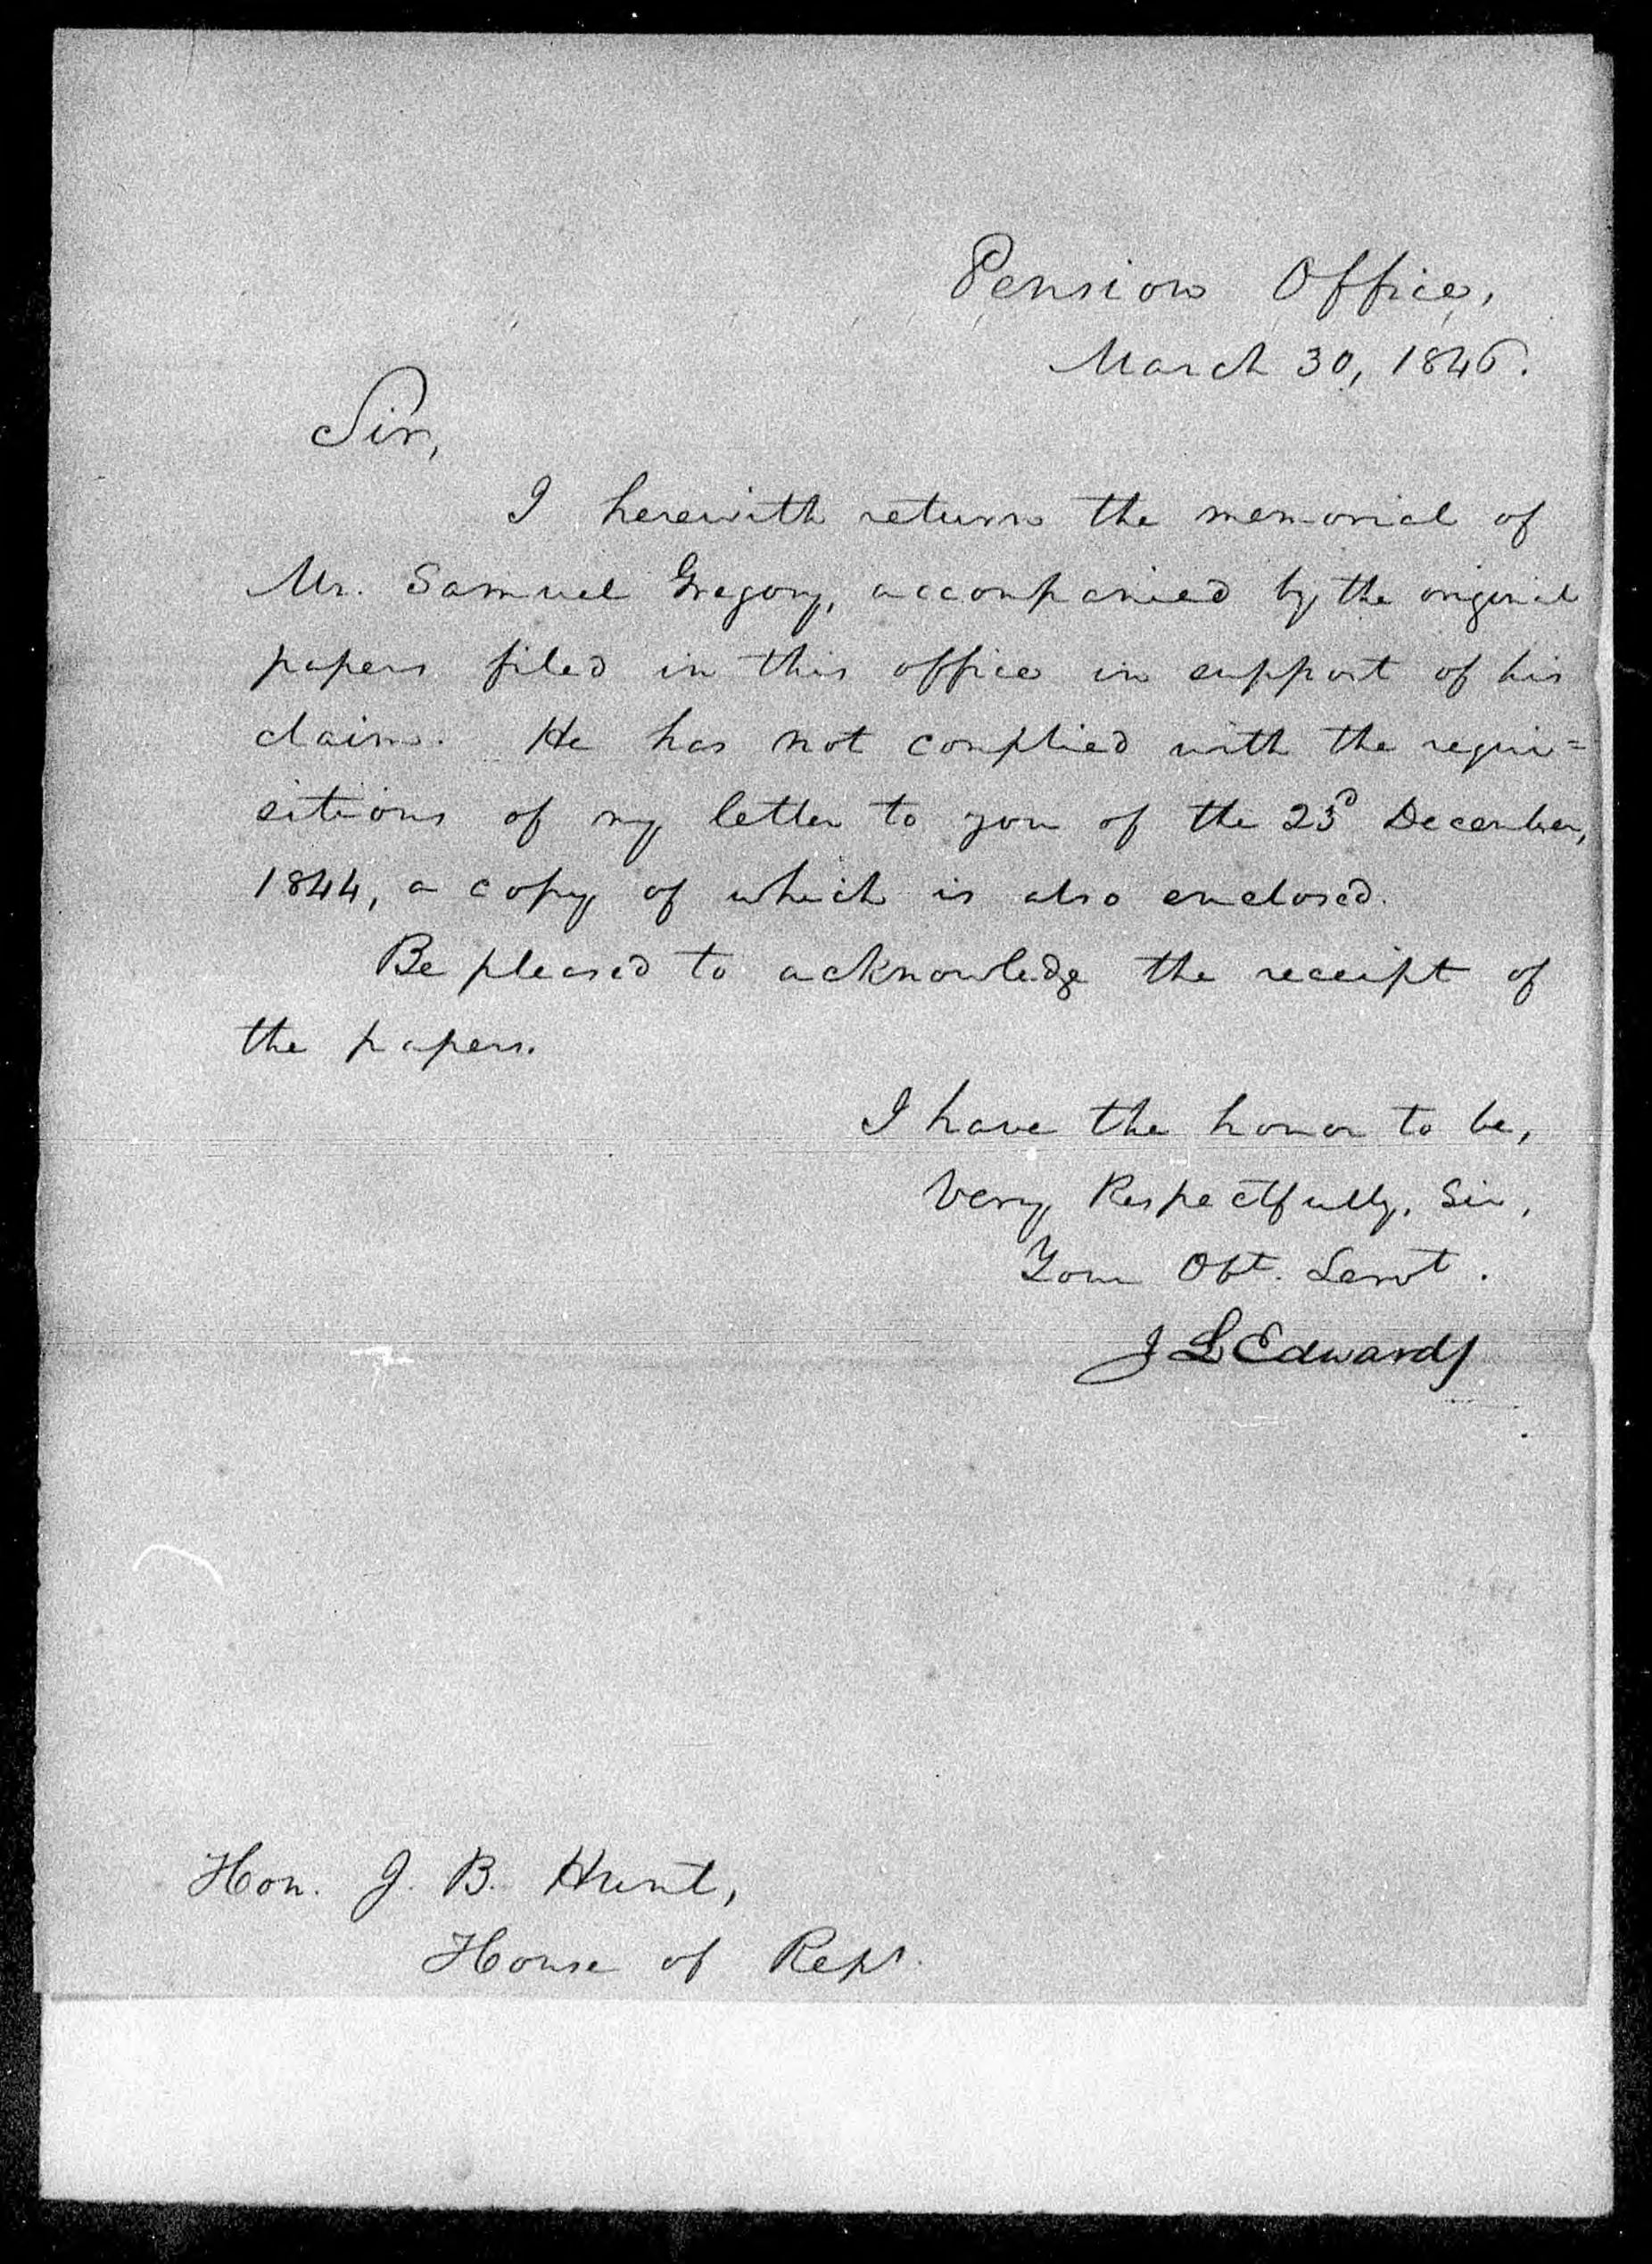Pensions Office
March 30, 1845

Sir,

I herewith returns the memorial of Mr. Samuel Gregory, accompanied by the original papers filed in this office in support of his claim. He has not complied with the requisitions of my letter to you of the 23rd December, 1844, a copy of which is also enclosed.
Be pleased to acknowledge the receipt of the papers.

I have the hone to be,
Very Respectfully Sir, 
You Obt Svt
J.L. Edwards

Hon. J.B. Hunt,
House of Reps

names: J B Hunt, J L Edwards, Samuel Gregory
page: 54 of 66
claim: rejected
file: R. 4298, Samuel Gregory, New York